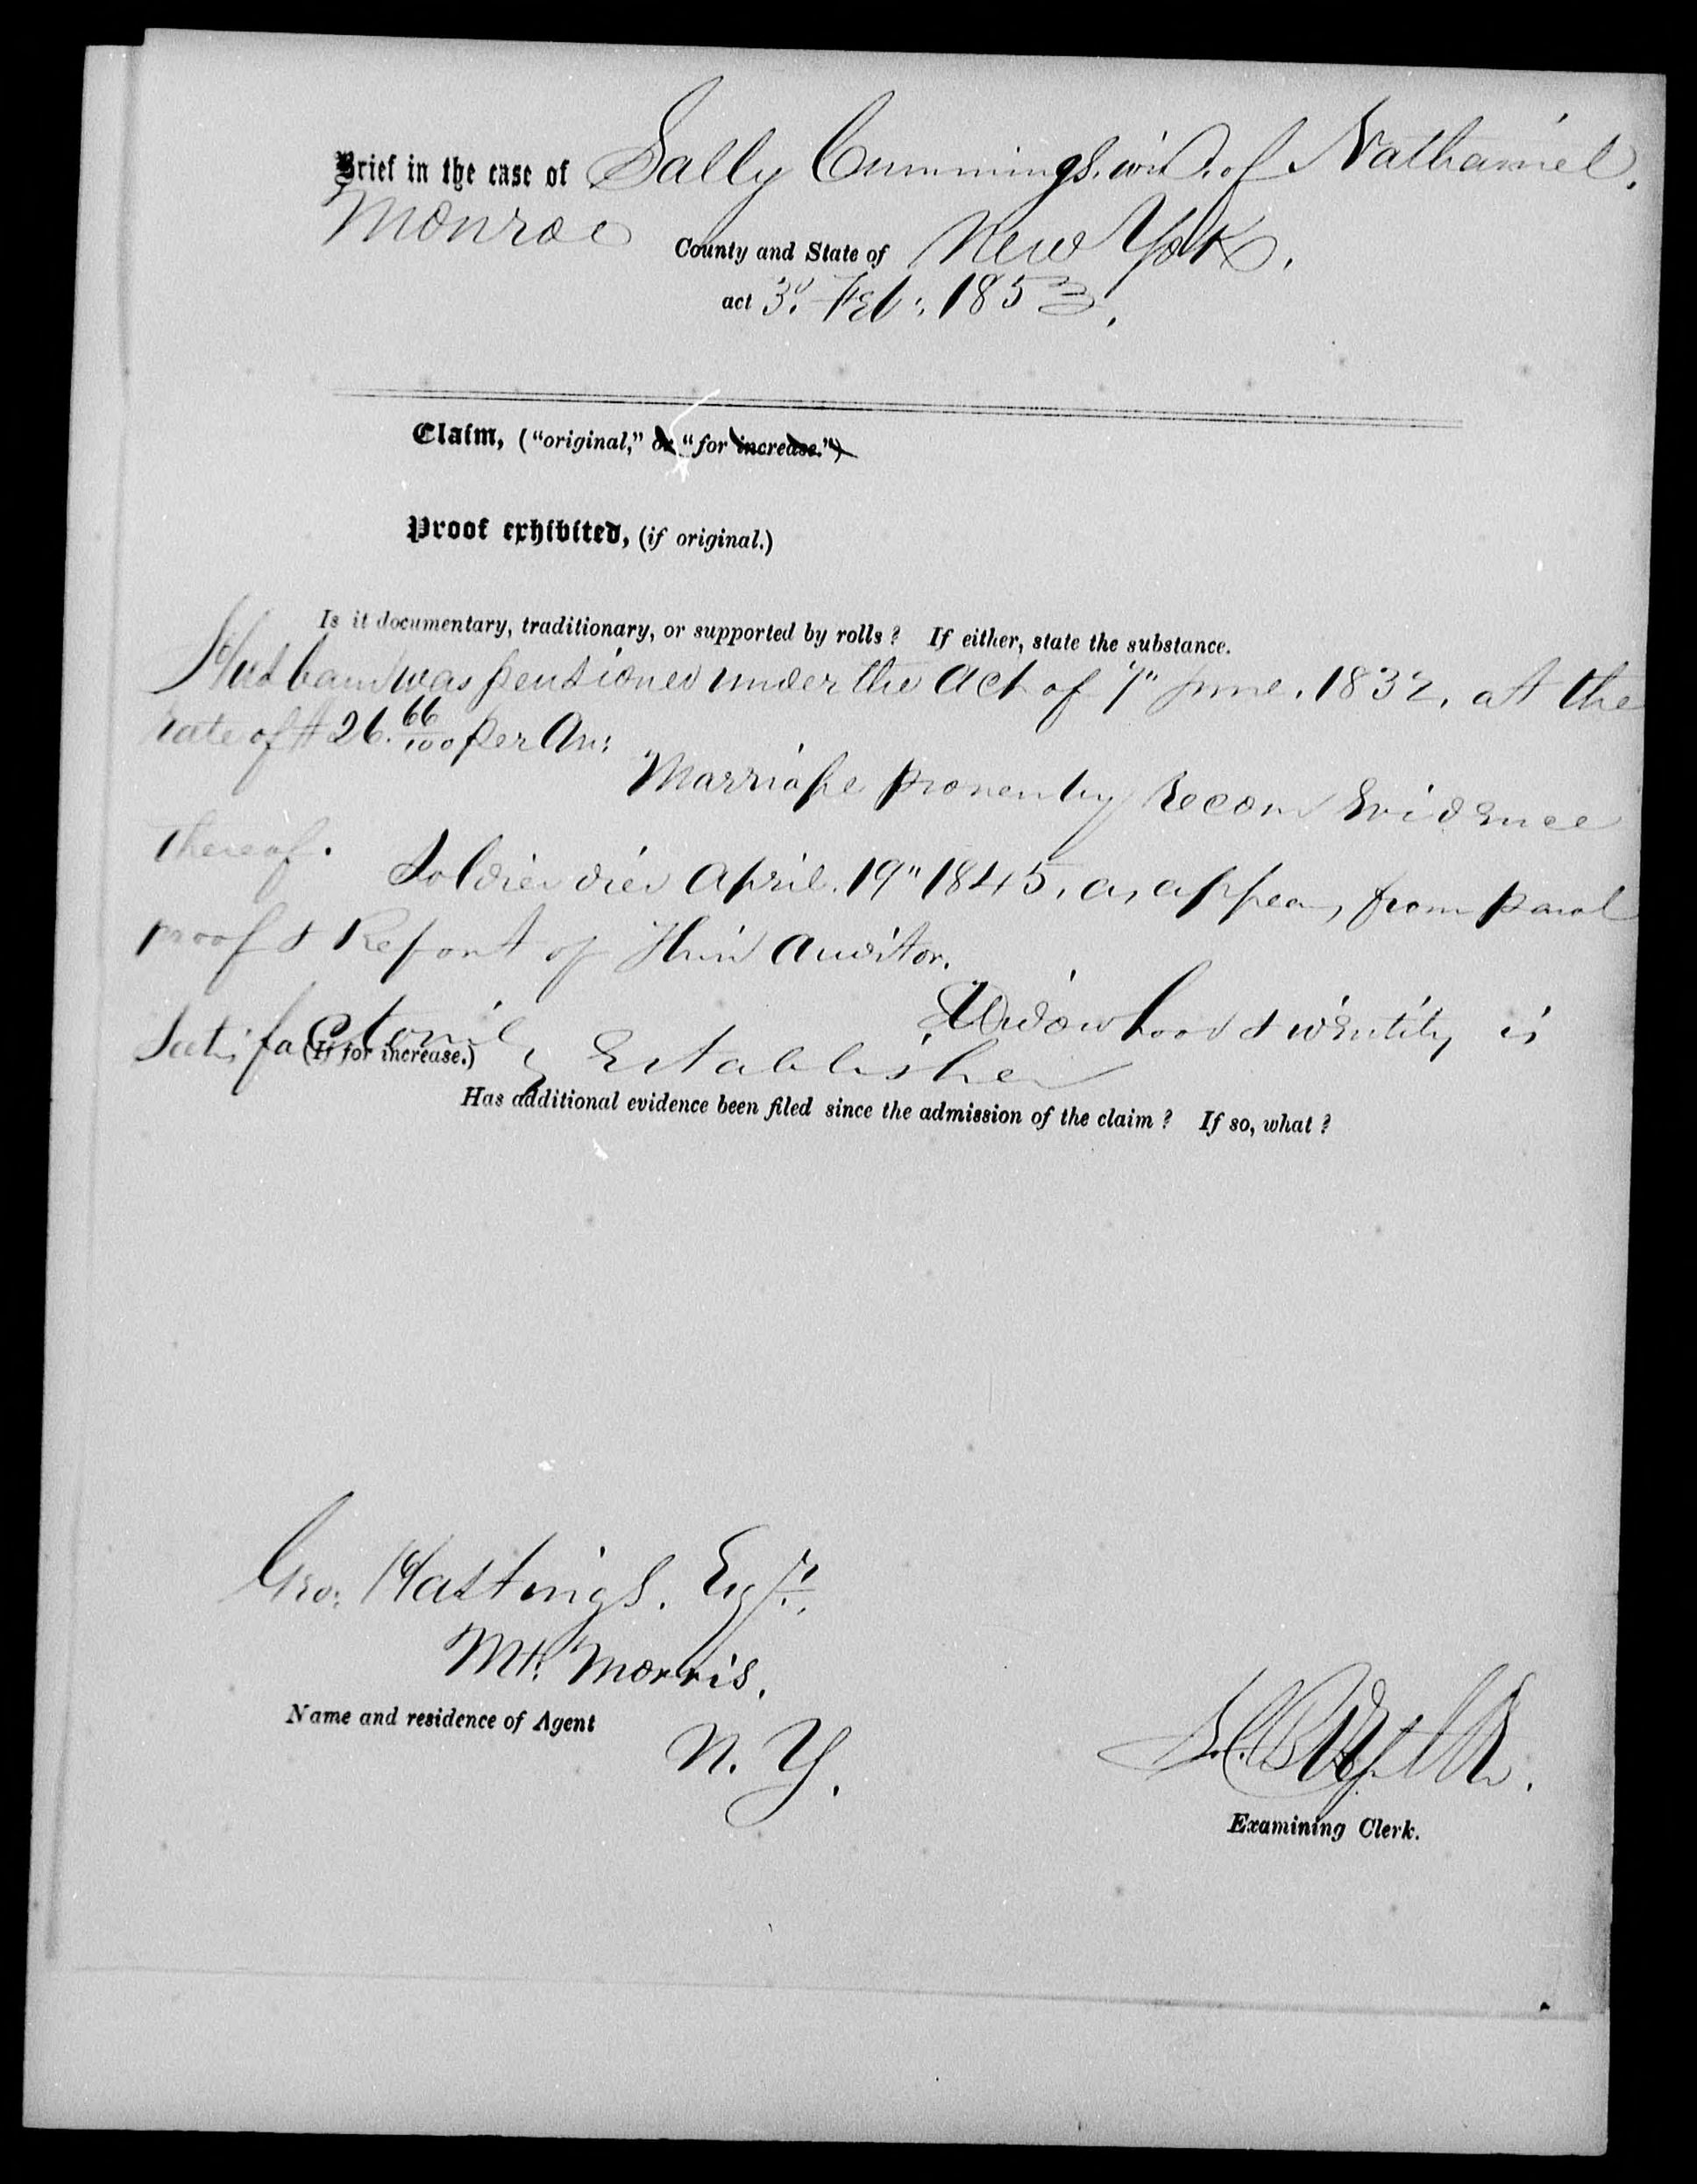Brief in the case of Sally Cummings widow of Nathaniel,
Monroe County and State of New York
act 3 Feb 1853
Claim, (original" forced
Proof exhibited, (if original
is it documentary, traditionally or supported by rolls
Husband was pensioner under the Act of 7, June 1832, at the
rate of $26.66 per annum
Marriage provenly record evidence
thereof Soldier died April 19", 1845, as appear from Paral
proof & Report of their Auditor
Satisfice
Widowhood is
Establish
has additional evidence been filed in the admission to a claim
Geo. Hastings Esqr
M Morris
N. Y.

Examining Clerk.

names: Nathaniel Monroe, S C Boynton, Geo Hastings, Sally Cummings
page: 37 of 41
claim: widow's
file: W. 9819, Nathaniel Cumings, Vt.